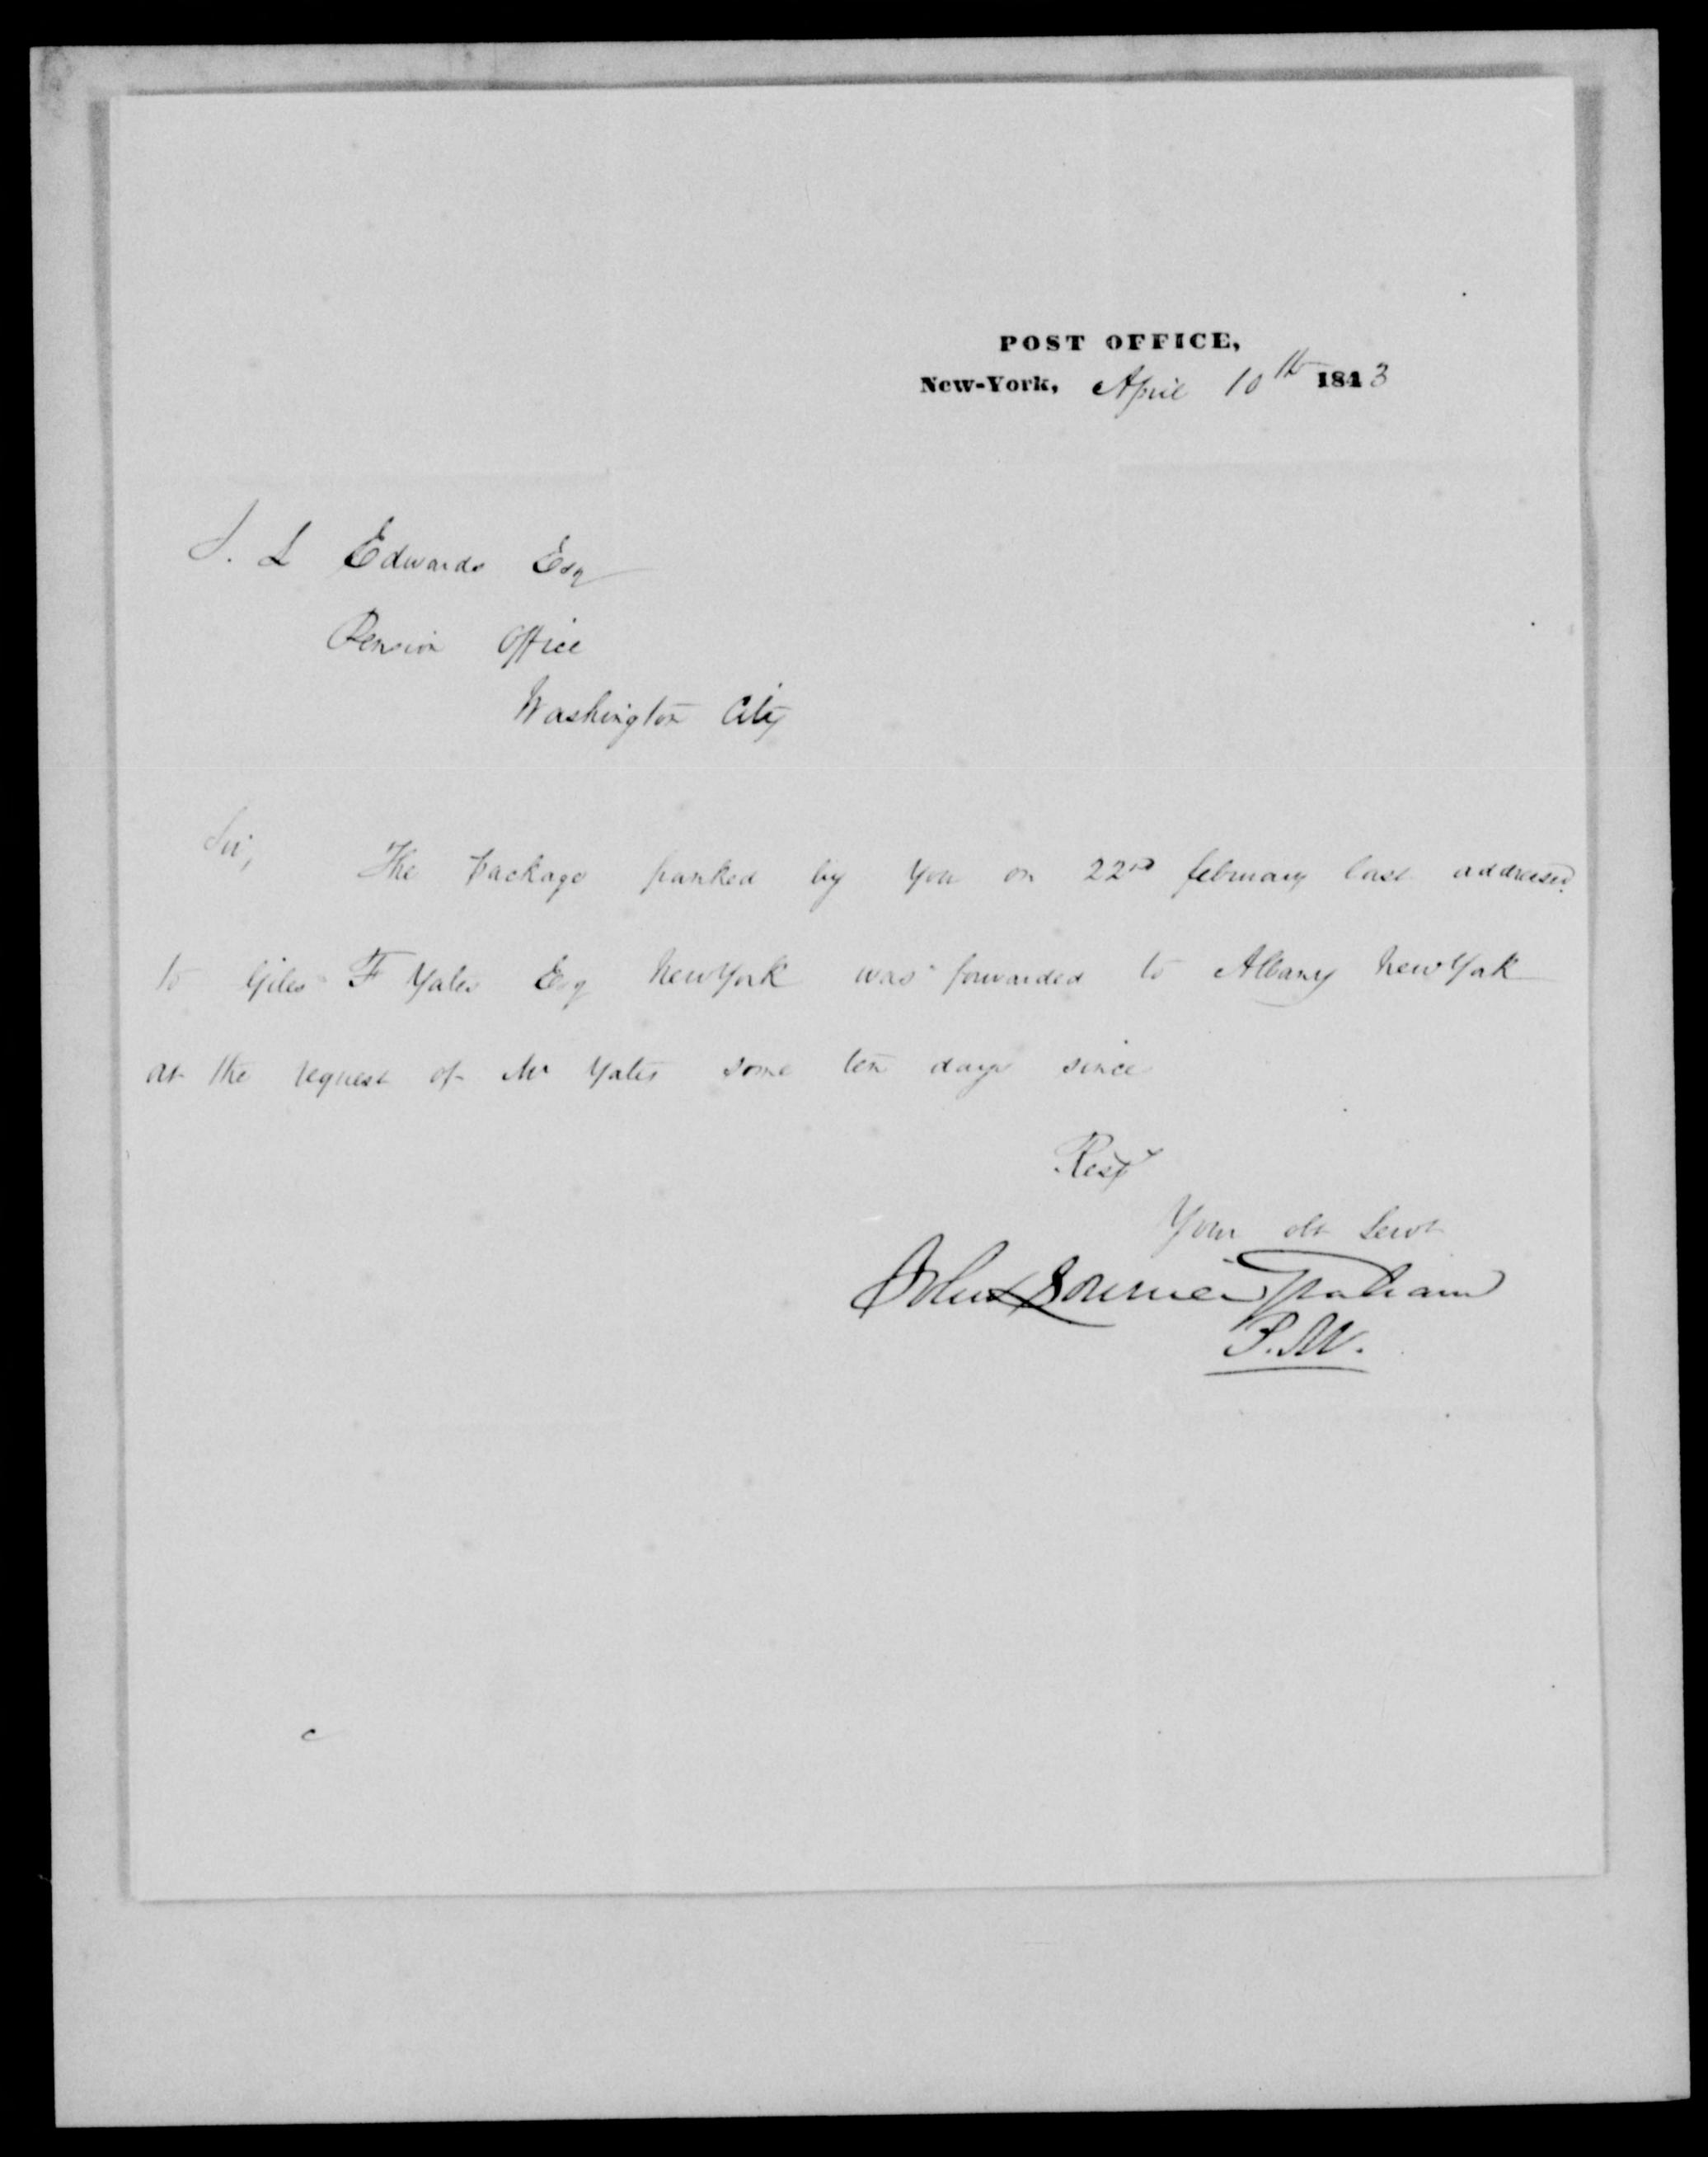POST OFFICE,
New-York, April 10th 1843

J. L. Edwards Esq
Pension Office
Washington City

Sir,
The package panked by you on 22nd February last addressed
to Giles F Yales(Yates?) Esq E New York was forwarded to Albany New York
at the request of Mr Yates some ten days since

Respt
Your obt Servt
John [illegible] Graham 
P.M.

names: Giles F Yates, John Lonnie Waham, J L Edwards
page: 37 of 51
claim: widow's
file: W. 19604, Myndert B Wemple, New York